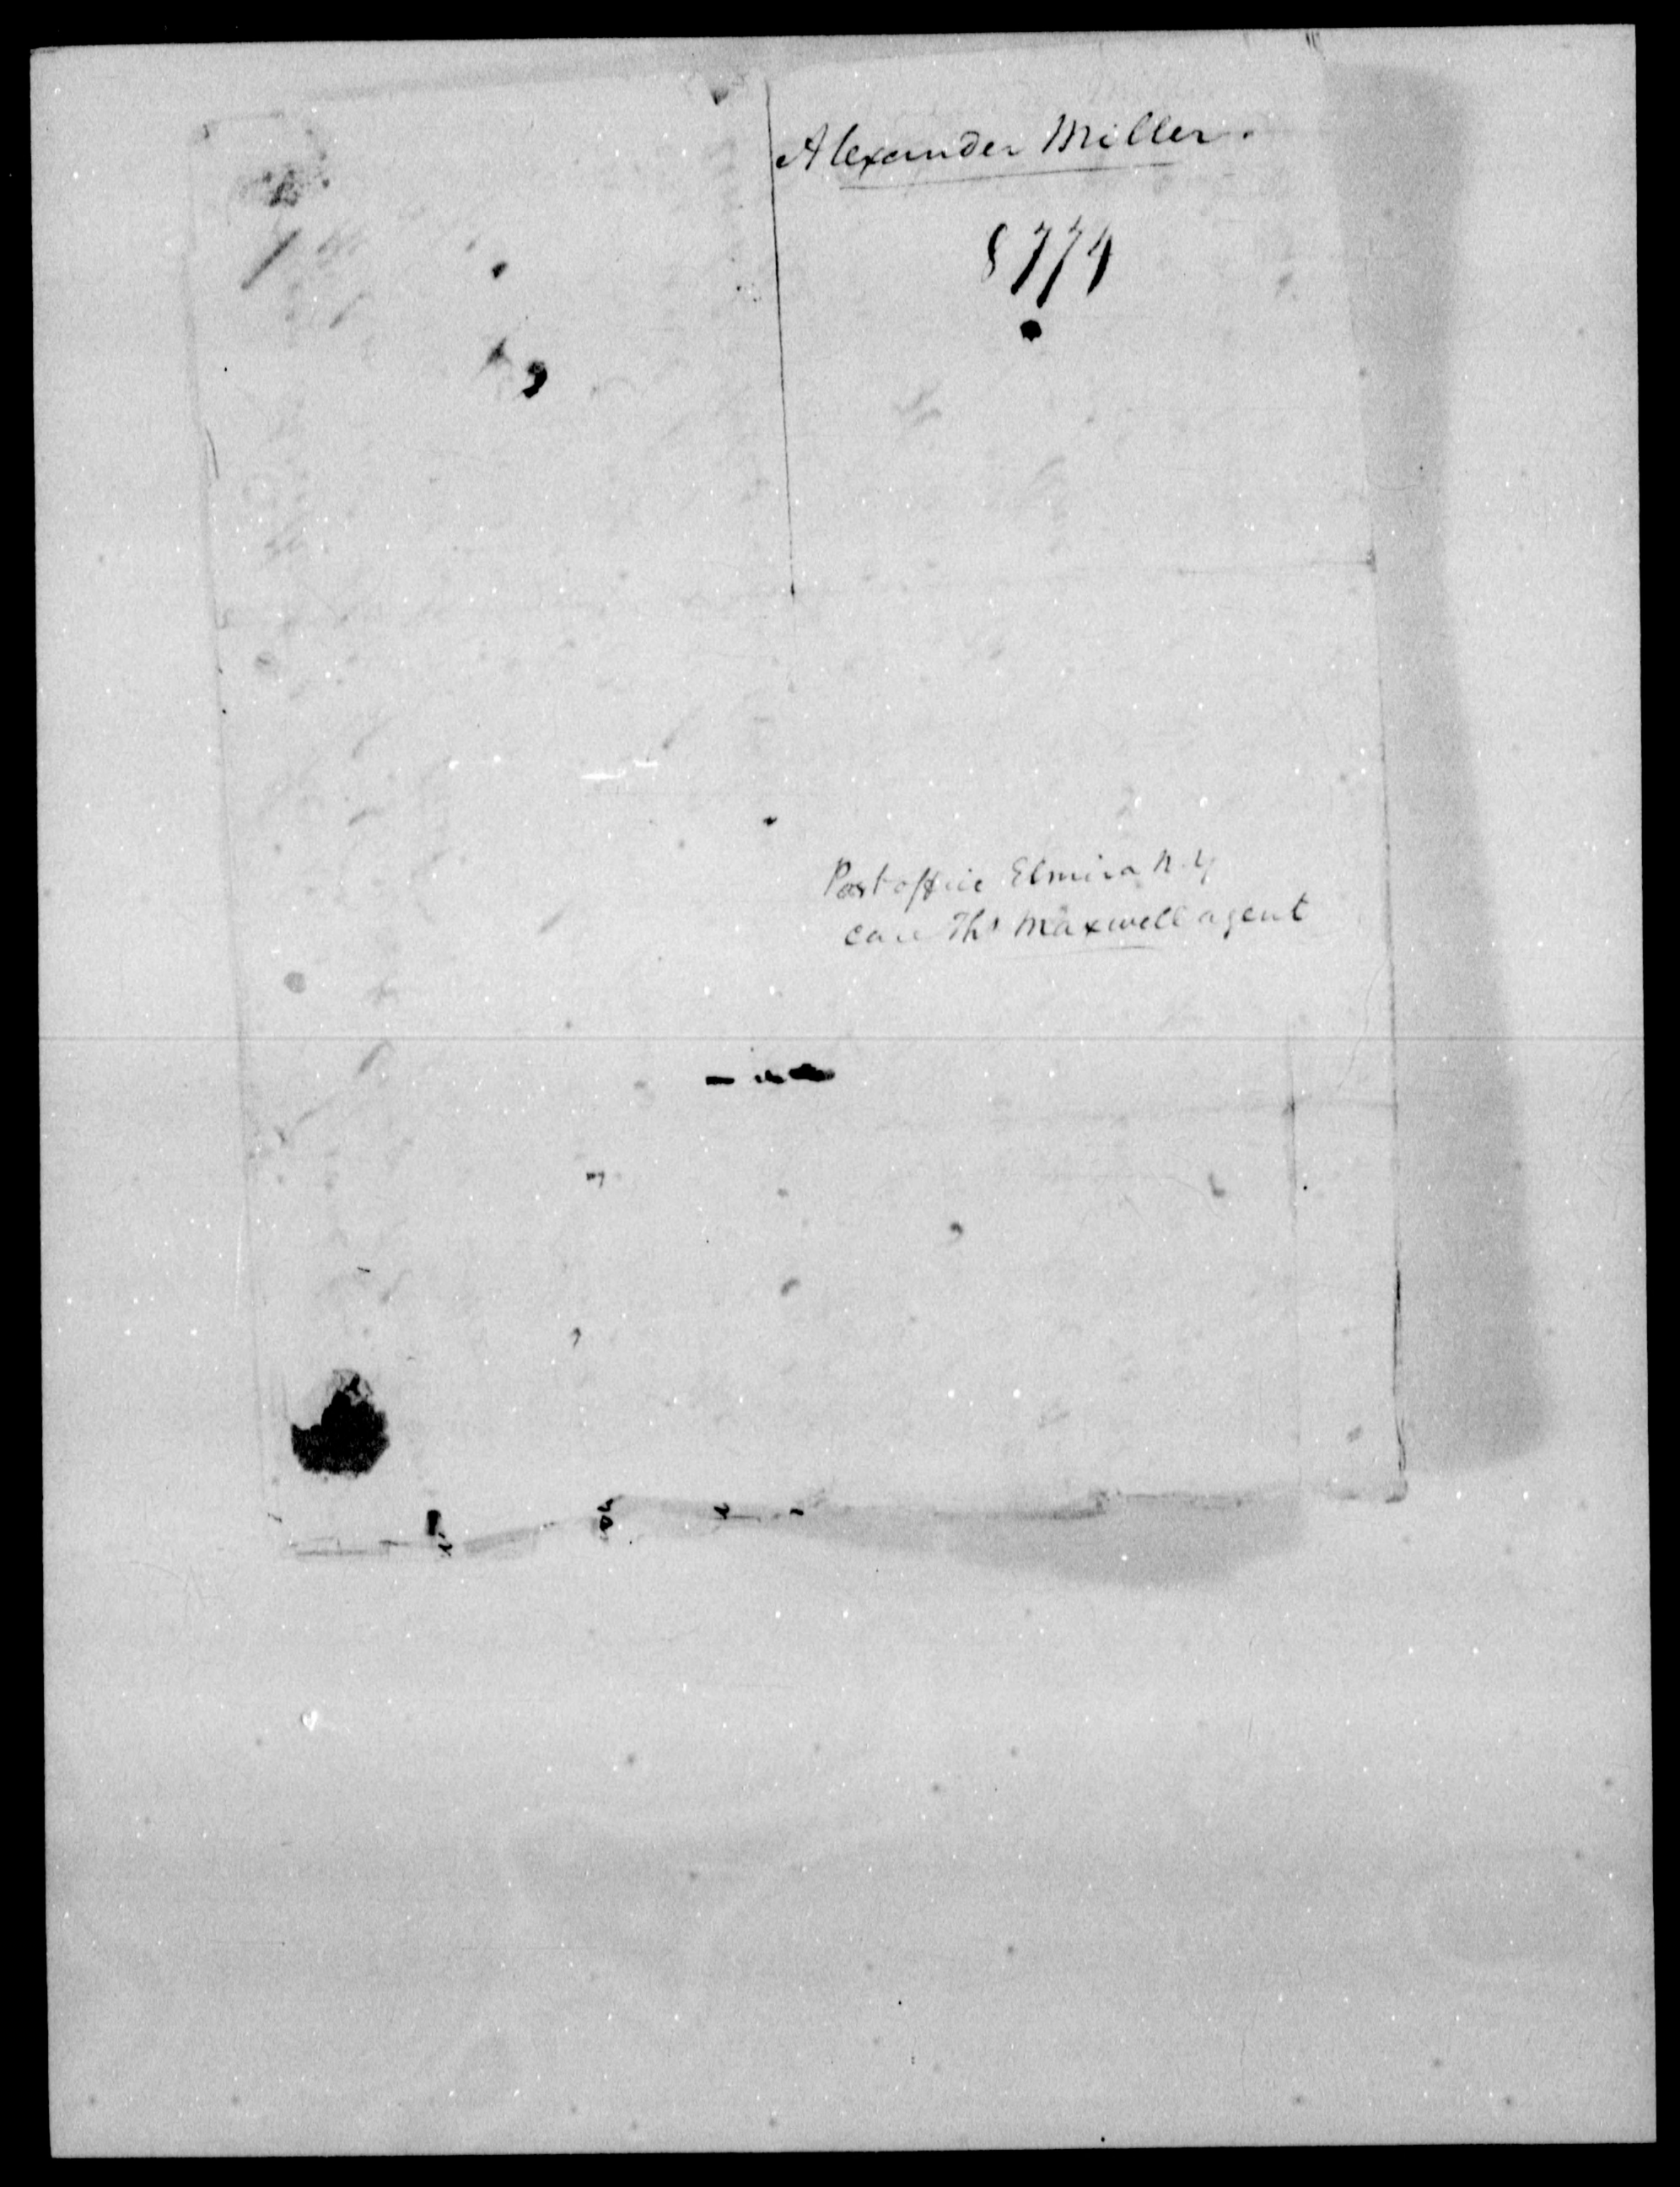Alexander Miller
8774


Post Office Elmira NY
care Ths Maxwell agent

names: Tho Maxwell; Alexander Miller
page: 32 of 57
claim: widow's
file: W. 9,622, for Aaron Redman, Virginia